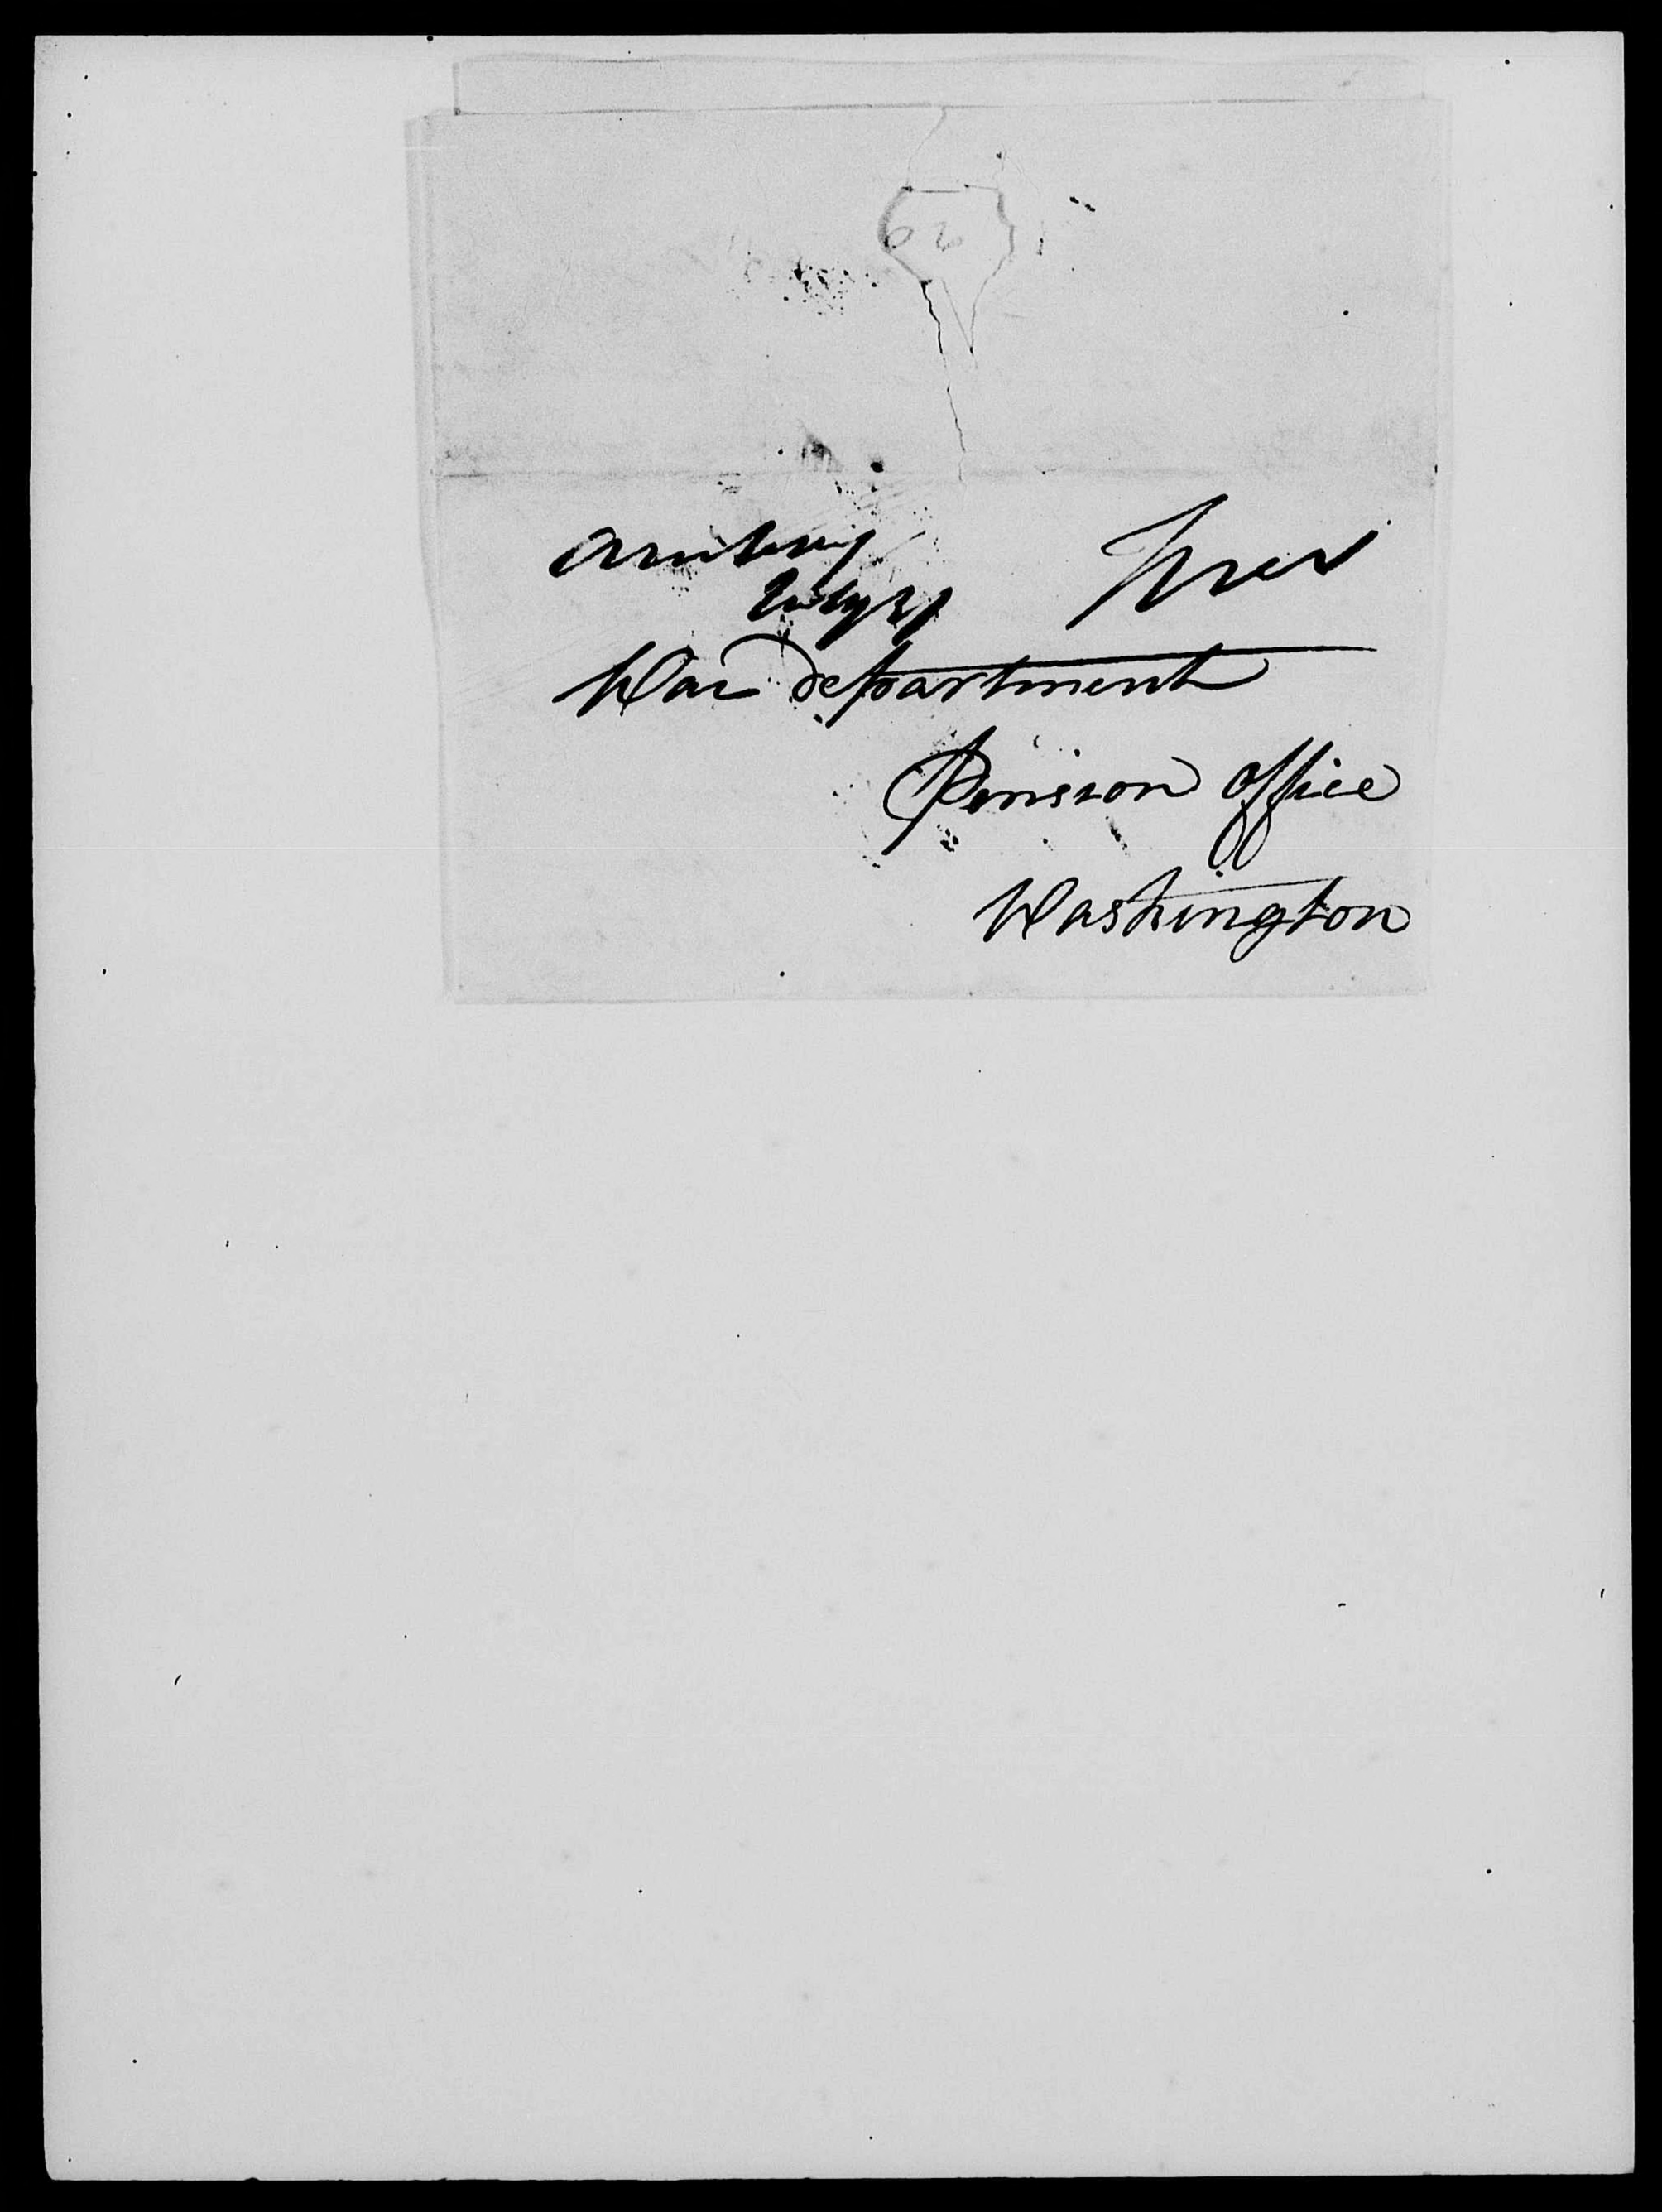Army
War Department 
Washington 
Pension Office 
Washington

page: 48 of 62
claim: survivor's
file: S. 540, James Heard, Continental - New Jersey Residence In 1818